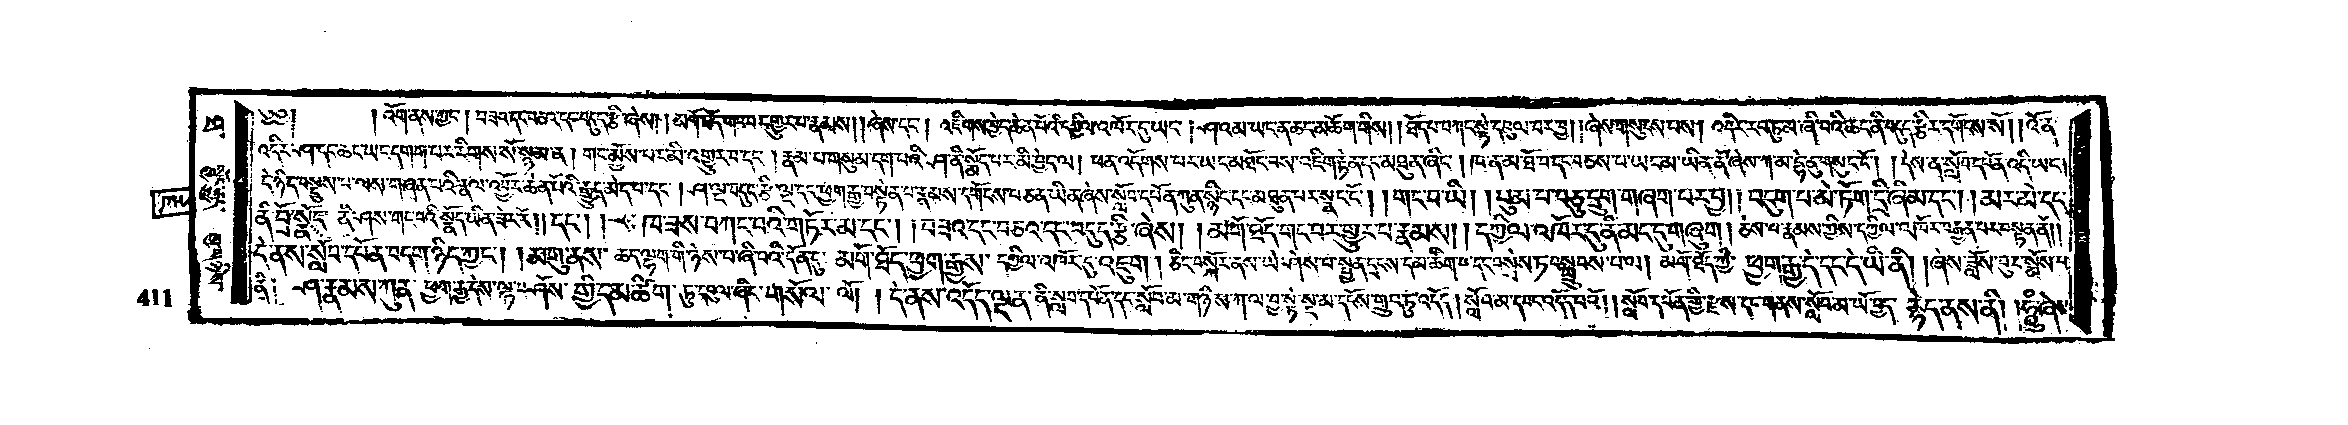༄༅། །འོག་ནས་ཀྱང་། བཟའ་དང་བཅའ་དང་བདུད་རྩི་ཞེས། །མགོ་ཐོད་གང་བར་གྱུར་པ་རྣམས། །ཞེས་དང་། འཇིགས་བྱེད་ཆེན་པོའི་དཀྱིལ་འཁོར་དུ་ཡང་། ཤ་འམ་ཡང་ན་ཆང་མཆོག་གིས། །ཐོད་པ་བཀང་སྟེ་དབུལ་བར་བྱ། །ཞེས་གསུངས་པས། འདིར་རབ་ཏུ་མ་ཞི་བའི་ཆང་ནི་བདུད་རྩིར་དགོངས་སོ། །འོ་ན་
འདིར་ཤ་དང་ཆང་ཡང་དགག་པར་རིགས་སོ་སྙམ་ན། གང་མྱོས་པར་མི་འགྱུར་བ་དང་། རྣམ་པ་གསུམ་དག་པའི་ཤ་ནི་སྨོད་པར་མི་བྱེད་ལ། ཕན་འདོགས་པར་ཡང་མཐོང་བས་འཇིག་རྟེན་དང་མཐུན་ཞིང་། ཁ་ན་མ་ཐོ་བ་དང་བཅས་པ་ཡང་མ་ཡིན་ནོ་ཞེས་ཀ་མ་དྷེ་ནུས་གསུང་ངོ། །དེས་ན་སློབ་དཔོན་འདི་ཡང་།
དེ་ཉིད་བསྡུས་པ་ལས་གཞན་པའི་རྣལ་འབྱོར་ཆེན་པོའི་རྒྱུད་མེད་པ་དང་། ཤ་ལྔ་བདུད་རྩི་ལྔ་དང་ཕྱག་རྒྱ་བསྟེན་པ་རྣམས་དགོངས་པ་ཅན་ཡིན་ཞེས་སློབ་དཔོན་ཀུན་སྙིང་དང་མཐུན་པར་སྣང་ངོ། །གང་བ་ཡི། །བུམ་པ་བཅུ་དྲུག་གཞག་པར་བྱ། །བདུག་པ་མེ་ཏོག་དྲི་ཞིམ་དང་། །མར་མེ་དང་
ནི་བྲོ་སྣོད་ནི་ཤས་གང་བའི་སྣོད་ཡིན་ཟེར་རོ།  །དང་། ། .H ཁ་ཟས་བཀང་བའི་གཏོར་མ་དང་། །བཟའ་དང་བཅའ་དང་བདུད་རྩི་ཞེས། །མགོ་ཐོད་གང་བར་གྱུར་བ་རྣམས། །དཀྱིལ་འཁོར་དུ་ནི་མང་དུ་གཞུག། ཅེས་པ་རྣམས་ཀྱིས་དཀྱིལ་འཁོར་བརྒྱན་པར་བསྟན་ནོ། །
དེ་ནས་སློབ་དཔོན་བདག་ཉིད་ཀྱང་། །མགུ་ནས་ཆད་ལྷག་གི་ཉེས་པ་ཞི་བའི་དོན་དུ་མགོ་ཐོད་ཕྱག་རྒྱས་དཀྱིལ་འཁོར་དུ་འཇུག་།ཅིང་བསྐོར་ནས་ཡེ་ཤེས་པ་སྤྱན་དྲངས་དམ་ཚིག་པ་དང་བསྲེས་ཏ་བསྒུབས་པ་ལ། མགོ་ཐོད་ཀྱི་ཕྱག་རྒྱ་དེ་དང་དེ་ཡི་ནི། །ཞེས་ཟློས་བུར་སྨོས་པ་
ནི། ཤ་རྣམས་ཀུན་ཕྱག་རྒྱ་དེས་ལྷ་བཤོས་གྱི་དམ་ཚིག་ཏུ་དབུལ་ཞིང་གསོལ་ལོ། །དེ་ནས་འདོད་ལྡན་ནི་སློབ་དཔོན་དང་སློབ་མ་གཉིས་ཀ་ལ་བྱ་སྟེ་སྔ་མ་དངོས་གྲུབ་ཏུ་འདོད། སློབ་མ་དབང་འདོད་པའོ། །སློབ་དཔོན་གྱི་རྫས་དང་གནས་སློབ་མ་ཡོ་བྱེད་རྙེད་ནས་ནི། །ཧཱུཾ་ཞེས་